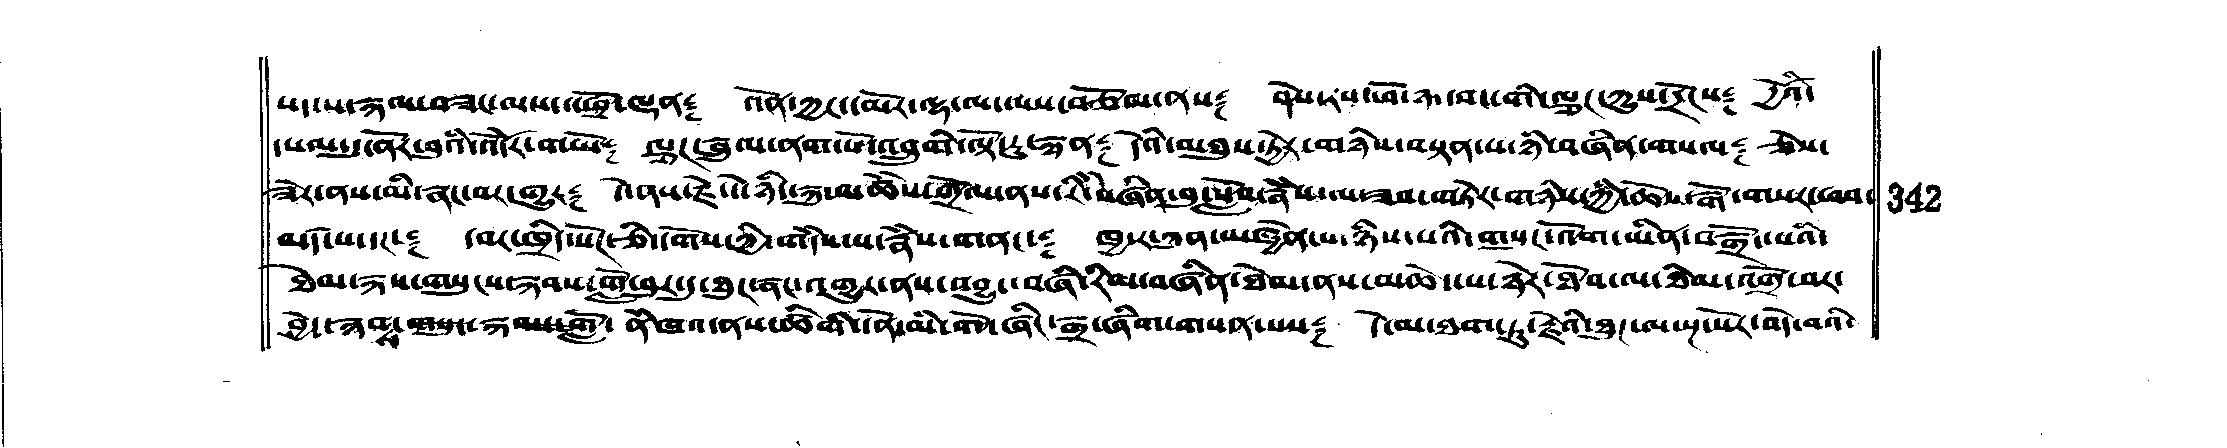སད་པ་སྐལ་བཟང་ལས་འཕྲོ་ལྡན། །འོན་ཀྱང་དམར་པོ་ལྷ་ལ་ལས་བཅོལ་ནས། །ཤེས་རབ་ཕོ་ཉ་དབང་གི་ལྕགས་ཀྱུས་དྲོངས། །རྒྱ་མཚོའི་
དཔལ་དུ་ནོར་བུའི་འོད་ཟེར་གཡོ། །ལྕགས་སྦྲུལ་ནག་པོ་འབྲུག་གི་ལྟོ་རུ་སྙན། །དེའི་མཐུས་གཏེར་གཉིས་བསྟན་པ་ཉི་བཞིན་གསལ། །ཞེས་
ཟེར་ནས་མི་སྣང་བར་གྱུར། དེ་ནས་རྗེ་དེ་ཉིད་སྐུ་མཚམས་གྲོལ་ནས་རིམ་བཞིན་བུ་སློབ་རྣམས་ལ་ཟབ་གཏེར་གཉིས་ཀྱི་ཆོས་སྒོ་གསར་ཕབ་
མཛད་པ་དང་། དབང་ཁྲིད་སོགས་ཅི་དགོས་ཀྱི་གདམས་པ་རྣམས་གནང་། ཁྱད་པར་ཀུན་མཁྱེན་གཉིས་པའི་གསུང་འོག་མིན་བགྲོད་པའི་
ཐེམ་སྐས་གསུང་སྐབས་གློ་བུར་དུ་ཐུགས་སྣང་འགྱུར་ནས་འབྱུང་བཞི་རིམ་བཞིན་ཐིམ་ནས་མཆེད་པ་ཉེར་ཐོབ་ལ་ཐིམ་འགྲོ་བར་
བྱེད་སྐབས་ནམ་མཁའ་ནས་ཚིག་གི་དོན་མི་གོ་ཞིང་སྒྲ་ཞིག་གསན་པས།དེ་མ་ཐག་ཏུ་རྗེའི་ཐུགས་ལ་སྔ་སོར་བདེ་བའི་